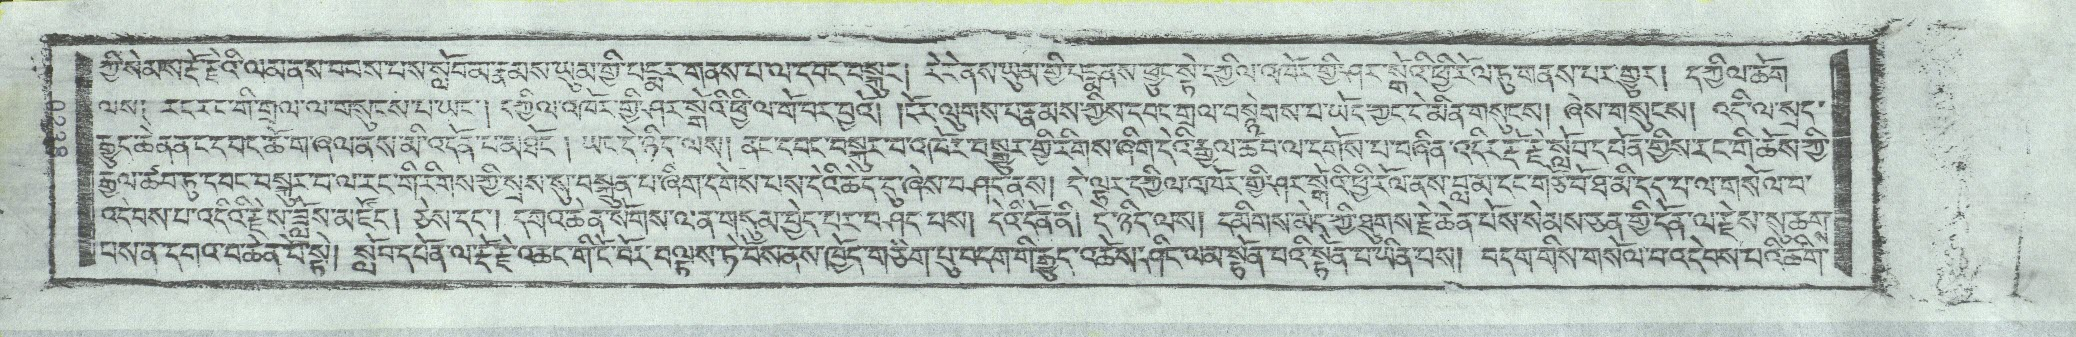ཀྱི་སེམས་རྡོ་རྗེའི་ལམ་ནས་བབས་པས་སློབ་མ་རྣམས་ཡུམ་གྱི་པདམར་གནས་པ་ལ་དབང་བསྐུར། རེ་རེ་ནས་ཡུམ་གྱི་པདམ་ནས་ཕྱུང་སྟེ་དཀྱིལ་འཁོར་གྱི་ཤར་སྒོའི་ཕྱི་རོལ་ཏུ་གནས་པར་གྱུར། དཀྱིལ་ཆོག་
ལས༑ རང་རང་གི་གྲལ་ལ་གསུངས་པ་ཡང་། དཀྱིལ་འཁོར་གྱི་ཤར་སྒོའི་ཕྱི་ལ་གོ་བར་བྱའོ། །ངོར་ལུགས་པ་རྣམས་ཀྱིས་དབང་གྲལ་བསྙེགས་པ་ཡོད་ཀྱང་དེ་མིན་གསུངས། ཞེས་གསུངས། འདི་ལ་སྲད་
རྒྱུད་ཆེན་ནང་དབང་ཆོ་ག་ཞལ་ནས་མི་འདོན་པ་མཐོང་། ཡང་དེ་ཉིད་ལས། ནང་དབང་བསྐུར་བ་འཁོར་བསྒྱུར་གྱི་རིགས་ཞིག་དེའི་རྒྱལ་ཚབ་ལ་དགོས་པ་བཞིན་འདིར་རྡོ་རྗེ་སློབ་དཔོན་གྱིས་རང་གི་ཆོས་ཀྱི་
རྒྱལ་ཚབ་ཏུ་དབང་བསྐུར་བ་ལ་རང་གི་རིགས་ཀྱི་སྲས་སུ་བསྐྲུན་པ་ཞིག་དགེས་པས་དེའི་ཆེད་དུ་ཞེས་བཤད་ནས། དེ་ལྟར་དཀྱིལ་འཁོར་གྱི་ཤར་སྒོའི་ཕྱི་རོལ་ནས་བླ་མ་དང་གཙོ་བོ་ཐ་མི་དད་པ་ལ་གསོལ་བ་
འདེབས་པ་འདིའི་རྗེས་ཟློས་མཛོད། ཅེས་དང་། དགའ་ཆེན་སོགས་ལན་གསུམ་བྱེད་པར་བཤད་པས། དེའི་དོན་ནི། དེ་ཉིད་ལས། དམིགས་མེད་ཀྱི་ཐུགས་རྗེ་ཆེན་པོས་སེམས་ཅན་གྱི་དོན་ལ་རྗེས་སུ་ཆགས་
པས་ན་དགའ་བ་ཆེན་པོ་སྟེ། སློབ་དཔོན་ལ་རྡོ་རྗེ་འཆང་གི་ངོ་བོར་བལྟས་ཏེ་བོས་ནས་ཁྱོད་གཅིག་པུ་བདག་གི་རྒྱུད་འཚེས་ཤིང་ལམ་སྟོན་པའི་སྟོན་པ་ཡིན་པས། བདག་གིས་གསོལ་བ་འདེབས་པའི་ཚིག་